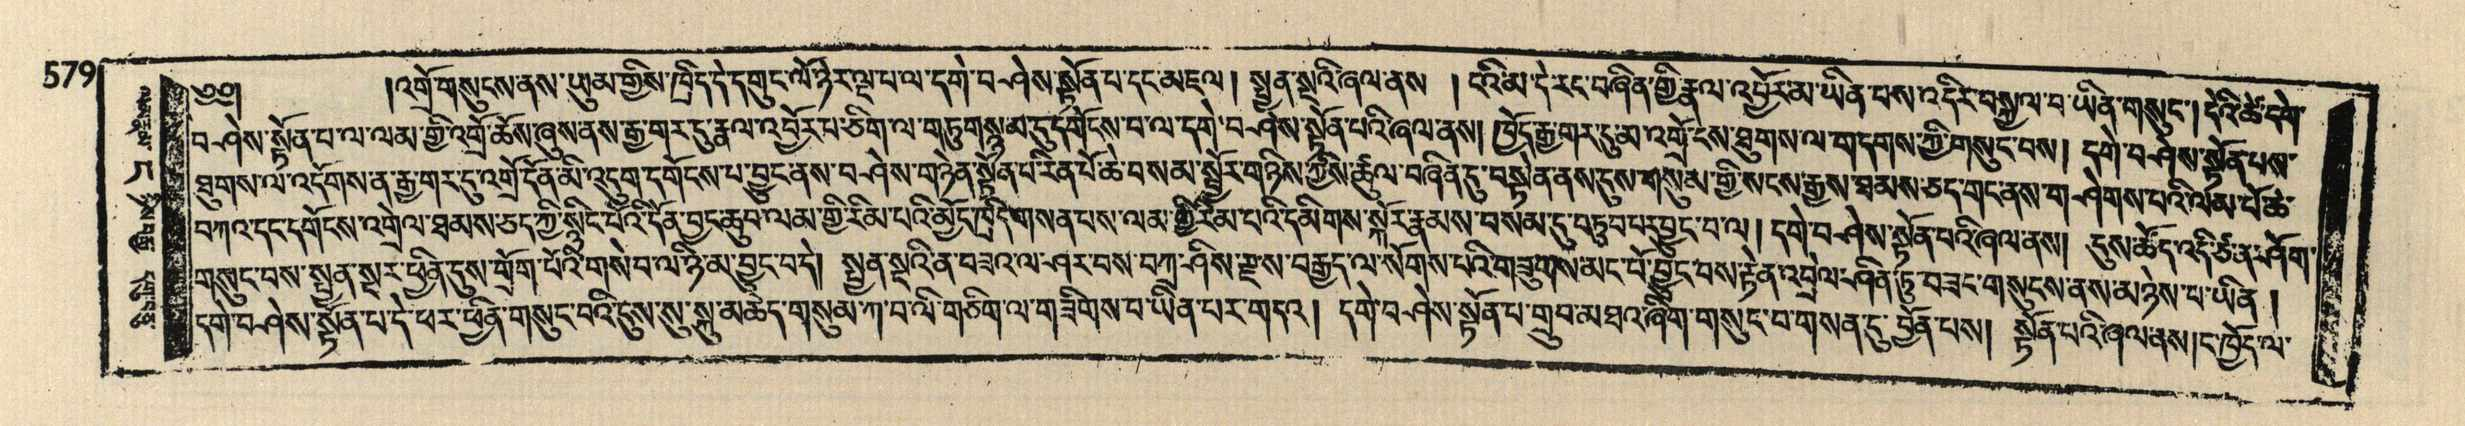༄༅། །འགྲོ་གསུངས་ནས་ཡུམ་གྱིས་ཁྲིད་དེ་དགུང་ལོ་ཉེར་ལྔ་པ་ལ་དགེ་བཤེས་སྟོན་པ་དང་མཇལ། སྤྱན་སྔའི་ཞལ་ནས་།ངའི་མ་དེ་རང་བཞིན་གྱི་རྣལ་འབྱོར་མ་ཡིན་པས་འདིར་བསྐྱལ་བ་ཡིན་གསུང་། དེའི་ཚེ་དགེ་
བཤེས་སྟོན་པ་ལ་ལམ་གྱི་འགྲོ་ཆོས་ཞུས་ནས་རྒྱ་གར་དུ་རྣལ་འབྱོར་པ་ཅིག་ལ་གཏུག་སྙམ་དུ་དགོངས་བ་ལ་དགེ་བཤེས་སྟོན་པའི་ཞལ་ནས། ཁྱོད་རྒྱ་གར་དུ་མ་འགྲོངས་ཐུགས་ལ་གདགས་ཀྱི་གསུང་བས། དགེ་བཤེས་སྟོན་པས་
ཐུགས་ལ་འདོགས་ན་རྒྱ་གར་དུ་འགྲོ་དོན་མི་འདུག་དགོངས་པ་བྱུང་ནས་བཤེས་གཉེན་སྟོན་པ་རིན་པོ་ཆེ་བསམ་སྦྱོར་གཉིས་ཀྱིས་ཚུལ་བཞིན་དུ་བསྟེན་ནས་དུས་གསུམ་གྱི་སངས་རྒྱས་ཐམས་ཅད་གང་ནས་གཤེགས་པའི་ལམ་པོ་ཆེ་
བཀའ་དང་དགོངས་འགྲེལ་ཐམས་ཅད་ཀྱི་སྙིང་པོའི་དོན་བྱང་ཆུབ་ལམ་གྱི་རིམ་པའི་མྱོང་ཁྲིད་གསན་པས་ལམ་གྱི་རིམ་པའི་དམིགས་སྐོར་རྣམས་བསམ་དུ་བཏུབ་པར་བྱུང་བ་ལ། དགེ་བཤེས་སྟོན་པའི་ཞལ་ནས། དུས་ཚོད་འདི་ཙན་ཤོག་
གསུང་བས་སྤྱན་སྔར་ཕྱིན་དུས་གྲོག་པོའི་གསེབ་ལ་ཉི་མ་བྱུང་བདེ། སྤྱན་སྔའི་ན་བཟའ་ལ་ཤར་བས་བཀྲ་ཤིས་རྫས་བརྒྱད་ལ་སོགས་པའི་གཟུགས་མང་པོ་བྱུང་བས་རྟེན་འབྲེལ་ཤིན་ཏུ་བཟང་གསུངས་ནས་མཉེས་པ་ཡིན།
དགེ་བཤེས་སྟོན་པ་དེ་ཕར་ཕྱིན་གསུང་བའི་དུས་སུ་སྐུ་མཆེད་གསུམ་ཀ་བ་ལི་གཅིག་ལ་གཟིགས་པ་ཡིན་པར་གདའ། དགེ་བཤེས་སྟོན་པ་གྲུབ་མཐའ་ཞིག་གསུང་བ་གསན་དུ་བྱོན་པས། སྟོན་པའི་ཞལ་ནས། ང་ཁྱོད་ལ་